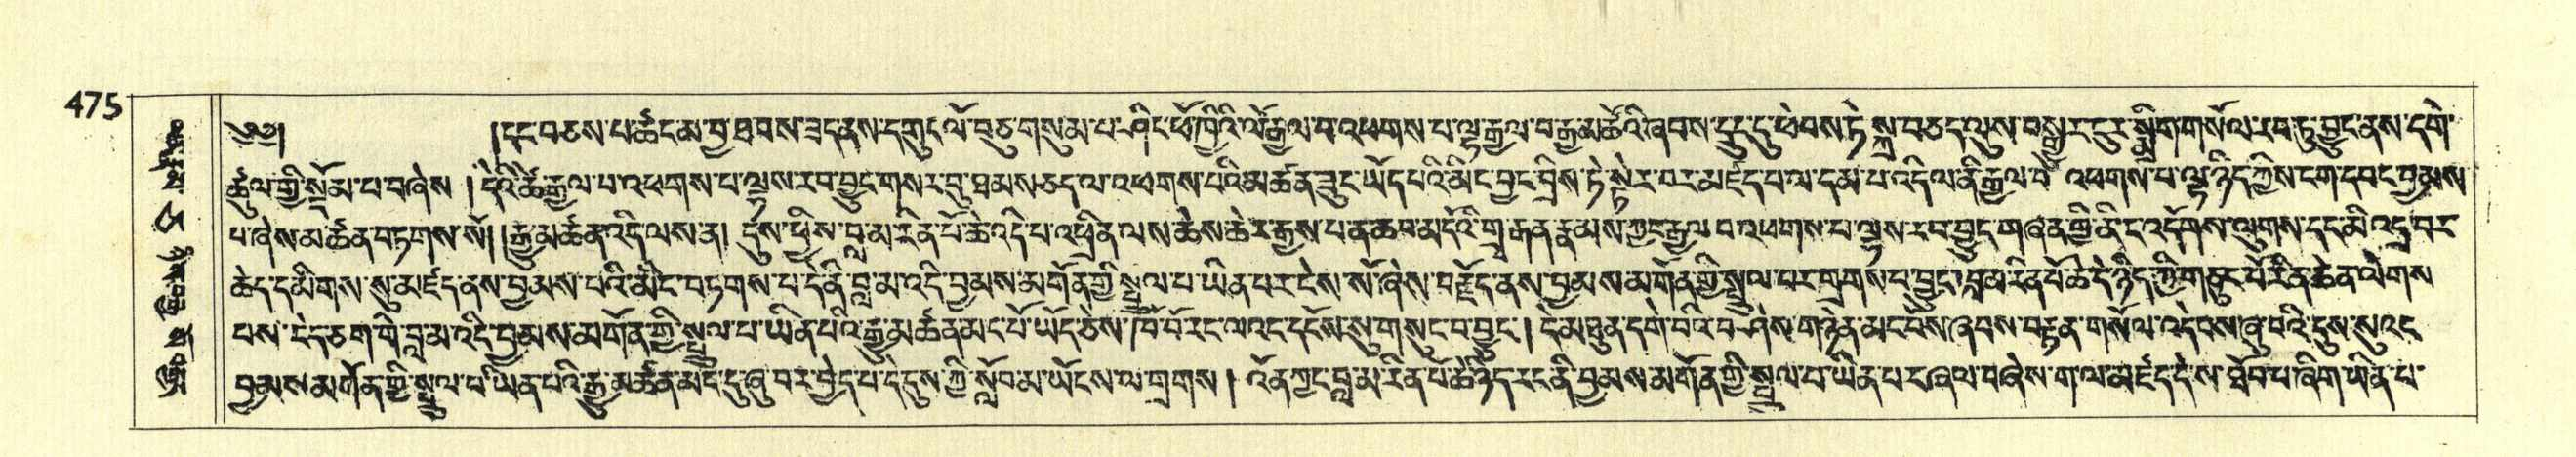༄༅། །དང་བཅས་པ་ཚང་མ་བྱ་ཐབས་ཟད་ནས་དགུང་ལོ་བཅུ་གསུམ་པ་ཤིང་ཕོ་ཁྱིའི་ལོ་རྒྱལ་བ་འཕགས་པ་ལྷ་རྒྱལ་བ་རྒྱ་མཚོའི་ཞབས་དྲུང་དུ་ཕེབས་ཏེ་སྐྲ་བཅད་ལུས་བསྒྱུར་དུར་སྨྲིག་གསོལ་རབ་ཏུ་བྱུང་ནས་དགེ་
ཚུལ་གྱི་སྡོམ་པ་བཞེས་།དེའི་ཚེ་རྒྱལ་པ་འཕགས་པ་ལྷས་རབ་བྱུང་གསར་བུ་ཐམས་ཅད་ལ་འཕགས་པའི་མཚན་ཟུང་ཡོད་པའི་མིང་བྱང་བྲིས་ཏེ་སྟེར་བར་མཛད་པ་ལ་དམ་པ་འདི་ལ་ནི་རྒྱལ་བ་འཕགས་པ་ལྟ་ཉིད་ཀྱིས་ངག་དབང་བྱམས་
པ་ཞེས་མཚན་བཏགས་སོ། །རྒྱུ་མཚན་འདི་ལས་ན། དུས་ཕྱིས་བླ་མ་རིན་པོ་ཆེ་འདི་པ་འཕྲིན་ལས་ཆེས་ཆེར་རྒྱས་པ་ན་ཆབ་མདོའི་གྲྭ་རྒན་རྣམས་ཀྱང་རྒྱལ་བ་འཕགས་པ་ལྷས་རབ་བྱུང་གཞན་གྱི་ནི་ང་འདོགས་ལུགས་དང་མི་འདྲ་བར་
ཆེད་དམིགས་སུ་མཛད་ནས་བྱམས་པའི་མིང་བཏགས་པ་དེ་ནི་བླ་མ་འདི་བྱམས་མགོན་གྱི་སྤྲུལ་པ་ཡིན་པར་ངེས་སོ་ཞེས་བརྗོད་ནས་བྱམས་མགོན་གྱི་སྤྲུལ་བར་གྲགས་བ་བྱུང་། བླ་མ་རིན་པོ་ཆེ་དེ་ཉིད་ཀྱི་གཅུང་པོ་རིན་ཆེན་ལེགས་
པས་ངེད་ཅག་གི་བླ་མ་འདི་བྱམས་མགོན་གྱི་སྤྲུལ་པ་ཡིན་པའི་རྒྱུ་མཚན་མང་པོ་ཡོད་ཅེས་ཁོ་བོ་རང་ལའང་དངོས་སུ་གསུང་བ་བྱུང་། དེ་མཐུན་དགེ་བའི་བཤེས་གཉེན་མང་པོས་ཞབས་བརྟན་གསོལ་འདེབས་ཞུ་བའི་དུས་སུའང་
བྱམས་མགོན་གྱི་སྤྲུལ་པ་ཡིན་པའི་རྒྱུ་མཚན་མང་དུ་ཞུ་བར་བྱེད་པ་དེ་དུས་ཀྱི་སློབ་མ་ཡོངས་ལ་གྲགས། འོན་ཀྱང་བླ་མ་རིན་པོ་ཆེ་ཉིད་རང་ནི་བྱམས་མགོན་གྱི་སྤྲུལ་པ་ཡིན་པར་ཞལ་བཞེས་ག་ལ་མཛད་དེ་ས་ཐོབ་པ་ཞིག་ཡིན་པ་